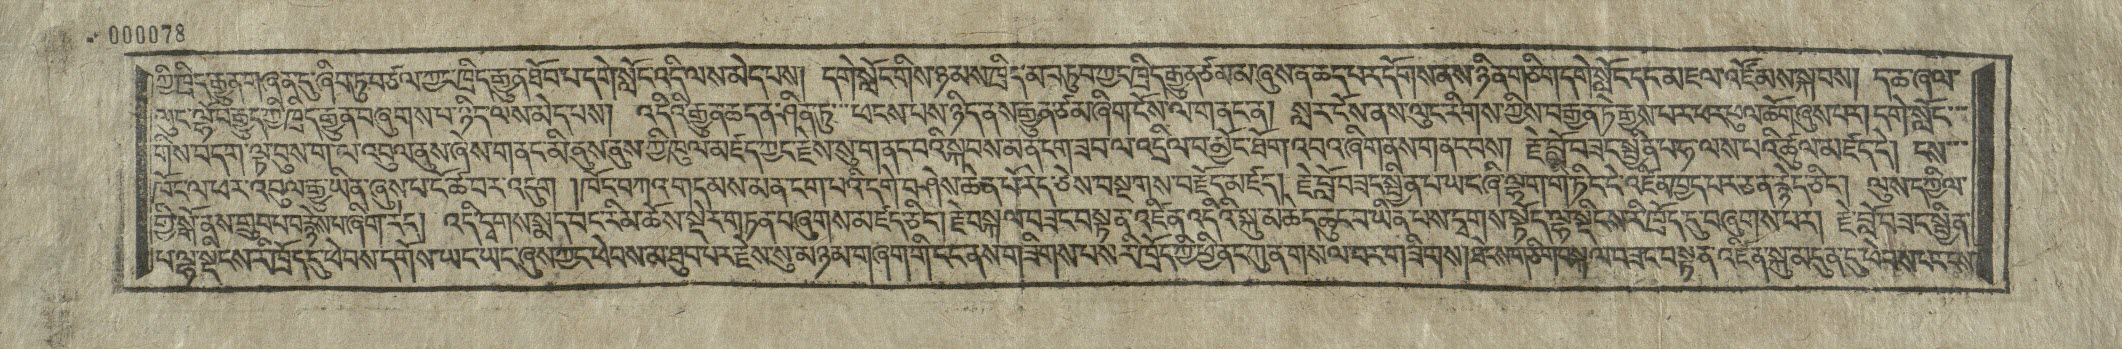ཀྱི་ཁྲིད་རྒྱུན་གཞན་དུ་ཞིབ་ཏུ་བཙལ་ཀྱང་ཁྲིད་རྒྱུན་ཐོབ་པ་དགེ་སློང་འདི་ལས་མེད་པས། དགེ་སློང་གིས་ཉམས་ཁྲིད་མ་བཏུབ་ཀྱང་ཁྲིད་རྒྱུན་ཙམ་མ་ཞུས་ན་ཆད་པར་དོགས་ནས་ཉིན་གཅིག་དགེ་སློང་དང་མཇལ་འཛོམས་སྐབས། ད་ཆ་ཞལ་
ལུང་ལྷོ་བརྒྱུད་ཀྱི་ཁྲིད་རྒྱུན་བཞུགས་པ་ཉིད་ལས་མེད་པས། འདིའི་རྒྱུན་ཆད་ན་ཤིན་ཏུ་ཕངས་པས་ཉིད་ནས་རྒྱུན་ཙམ་ཞིག་ངོས་ལ་གནང་ན། སླར་ངོས་ནས་ལུང་རིགས་ཀྱིས་བརྒྱན་ཏེ་རྒྱས་པར་ཕར་ཕུལ་ཆོག་ཞུས་པར། དགེ་སློང་
གིས་བདག་ལྟ་བུས་ག་ལ་འབུལ་ནུས་ཞེས་གནང་མི་ནུས་ནུས་ཀྱི་ཁུལ་མཛད་ཀྱང་རྗེས་སུ་གནང་བའི་སྐབས་མན་ངག་ཟབ་ལ་འདྲིལ་བ་མྱོང་ཐོག་འབའ་ཞིག་ནས་གནང་བས། རྗེ་བློ་བཟང་སྦྱིན་པ་ཧ་ལས་པའི་ཚུལ་མཛད་དེ། ངས་
ཁོང་ལ་ཕར་འབུལ་རྒྱུ་ཡིན་ཞུས་པ་ངོ་ཚ་བར་འདུག །ཁོང་བཀའ་གདམས་མན་ངག་པའི་དགེ་བཤེས་ཆེན་པོ་རེད་ཅེས་བསྔགས་བརྗོད་མཛད། རྗེ་བློ་བཟང་སྦྱིན་པ་ཡང་ཞི་ལྷག་གི་ཏིང་ངེ་འཛིན་ཁྱད་པར་ཅན་རྙེད་ཅིང་། ལུས་དཀྱིལ་
གྱི་སྒོ་ནས་གྲུབ་པ་བརྙེས་པ་ཞིག་རེད། འདི་དྭགས་སྨད་བང་རིམ་ཆོས་སྡེར་གཏན་བཞུགས་མཛད་ཅིང་། རྗེ་བསྐལ་བཟང་བསྟན་འཛིན་འདིའི་སྐུ་མཆེད་ཆུང་བ་ཡིན་པས་དྭགས་སྟོད་ལྷ་སྡིངས་རི་ཁྲོད་དུ་བཞུགས་པར། རྗེ་བློ་བཟང་སྦྱིན་
པ་ལྷ་སྡིངས་རི་ཁྲོད་དུ་ཕེབས་དགོས་ཡང་ཡང་ཞུས་ཀྱང་ཕེབས་མ་ཐུབ་པར་རྗེས་སུ་མཉམ་གཞག་གི་ངང་ནས་གཟིགས་པས་རི་ཁྲོད་ཀྱི་ཕྱི་ནང་ཀུན་གསལ་བར་གཟིགས། ཐེངས་གཅིག་བསྐལ་བཟང་བསྟན་འཛིན་སྐུ་མདུན་དུ་ཕེབས་པར་ངས་